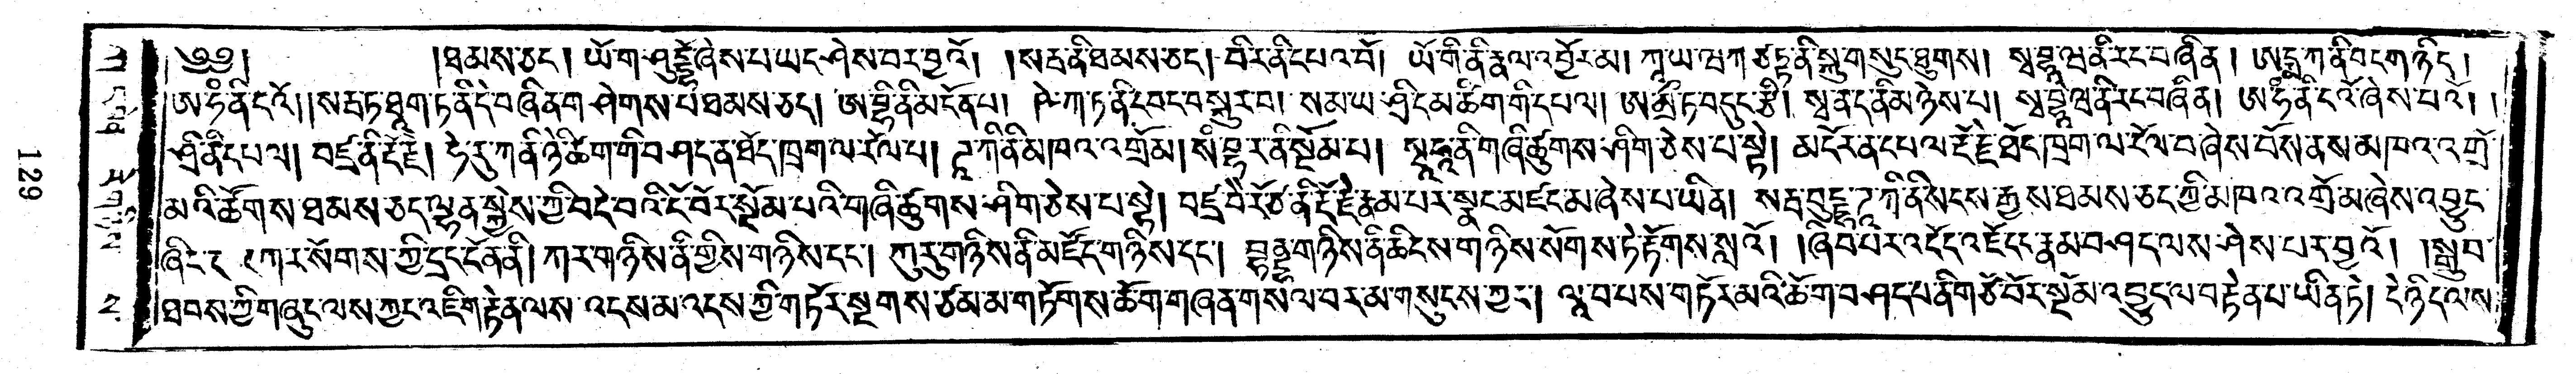༄༅། །ཐམས་ཅད། ཡོག་ཤུདྡྷོ་ཞེས་པ་ཡང་ཤེས་བར་བྱའོ། །སརྦ་ནི་ཐམས་ཅད། བི་ར་ནི་དཔའ་བོ། ཡོ་གི་ནི་རྣལ་འབྱོར་མ། ཀཱ་ཡ་ཝཀ་ཙཏྟ་ནི་སྐུ་གསུང་ཐུགས། སྭ་བྷཱ་ཝ་ནི་རང་བཞིན། ཨདམ་ཀ་ནི་བདག་ཉིད།
ཨ་ཧཾ་ནི་དའོ། །སརྦ་ཏ་ཐཱ་ག་ཏ་ནི་དེ་བཞིན་གཤེགས་པ་ཐམས་ཅད། ཨ་བྷི་ནི་མངོན་པ། ཥེ་ཀ་ཏ་ནི་དབང་བསྐུར་བ། ས་མ་ཡ་ཤྲི་དམ་ཚིག་གི་དཔལ། ཨ་མྲྀ་ཏ་བདུད་རྩི། སྭ་ན་ད་ནི་མཉེས་པ། སྭ་བྷཱ་ཝ་ནི་རང་བཞིན། ཨ་ཧཾ་ནི་ངའོ་ཞེས་པའོ། །
ཤྲི་ནི་དཔལ། བཛྲ་ནི་རྡོ་རྗེ། ཧེ་རུ་ཀ་ནི་ཉེ་ཚིག་གི་བཤད་ན་ཐོད་ཁྲག་ལ་རོལ་པ། ཌཱ་ཀི་ནི་མཁའ་འགྲོམ། སཾ་བྷ་ར་ནི་སྔོམ་པ། སྭཱཧཱ་ནི་གཞི་ཚུགས་ཤིག་ཅེས་པ་སྟེ། མདོར་ན་དཔལ་རྡོ་རྗེ་ཐོང་ཁྲག་ལ་རོལ་བ་ཞེས་བོས་ནས་མཁའ་འགྲོ་
མའི་ཚོགས་ཐམས་ཅད་ལྷན་སྐྱེས་ཀྱི་བདེ་བའི་ངོ་བོར་སྔོམ་པའི་གཞི་ཚུགས་ཤིག་ཅེས་པ་སྟེ། བཛྲ་བཻ་རོ་ཙ་ནི་རྡོ་རྗེ་རྣམ་པར་སྣང་མཛད་མ་ཞེས་པ་ཡིན། སརྦ་བུདྡྷ་ཌཱ་ཀི་ནི་སངས་རྒྱས་ཐམས་ཅད་ཀྱི་མཁའ་འགྲོ་མ་ཞེས་འབྱུང་
ཞིང༑ ༑ཀ་ར་སོགས་ཀྱི་དྲང་དོན་ནི། ཀར་གཉིས་ནི་གྱིས་གཉིས་དང་། ཀུ་རུ་གཉིས་ནི་མཛོད་གཉིས་དང་། བྷནྡྷ་གཉིས་ནི་ཆིངས་གཉིས་སོགས་ཏེ་རྟོགས་སླའོ། །ཞིབ་པར་འདོད་འཇོ་དང་རྣམ་བཤད་ལས་ཤེས་པར་བྱའོ། །སྒྲུབ་
ཐབས་ཀྱི་གཞུང་ལས་ཀྱང་འཇིག་རྟེན་ལས་འདས་མ་འདས་ཀྱི་གཏོར་སྔགས་ཙམ་མ་གཏོགས་ཆོ་ག་གཞན་གསལ་བར་མ་གསུངས་ཀྱང་། ལཱ་བ་པས་གཏོར་མའི་ཆོ་ག་བཤད་པ་ནི་གཙོ་བོར་སྡོམ་འབྱུང་ལ་བརྟེན་པ་ཡིན་ཏེ། དེ་ཉིད་ལས་